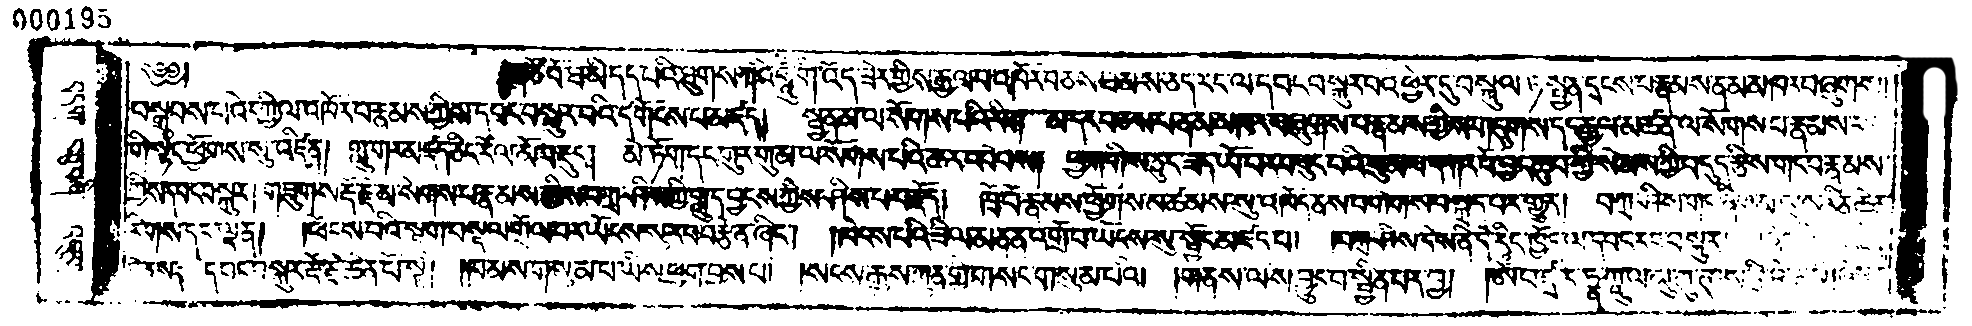༄༅། །གཙོ་བོ་ཐ་མི་དད་པའི་ཐུགས་ཀའི་ཧཱུཾ་གི་འོད་ཟེར་གྱིས་རྒྱལ་བ་འཁོར་བཅས་ཐམས་ཅད་རང་ལ་དབང་བསྐུར་བའི་ཕྱིར་དུ་བསྐུལ་ཏེ་སྤྱན་དྲངས་པ་རྣམས་ནམ་མཁར་བཞུགས།
བསྒྲུབས་པའི་དཀྱིལ་འཁོར་བ་རྣམས་ཀྱིས་དབང་བསྐུར་བའི་དགོངས་པ་མཛད། སྤྱན་མ་ལ་སོགས་པའི་རིག་མ་དང་བཅས་པ་ནམ་མཁར་བཞུགས་པ་རྣམས་ཀྱིས་གདུགས་དང་རྒྱལ་མཚན་ལ་སོགས་པ་རྣམས་རང་
གི་སྟེང་ཕྱོགས་སུ་འཛིན། གླུ་གར་མཛད་ཅིང་རོལ་མོ་བརྡུང་། མེ་ཏོག་དང་གུར་གུམ་ལ་སོགས་པའི་ཆར་འབེབས། ཕྱག་གིས་ཅུང་ཟད་ཡོ་བར་བཟུང་བའི་བུམ་པ་དཀར་པོ་བྱང་ཆུབ་ཀྱི་སེམས་ཀྱི་བདུད་རྩིས་གང་བ་རྣམས་
ཀྱིས་དབང་བསྐུར། གཟུགས་རྡོ་རྗེ་མ་སོགས་པ་རྣམས་ཀྱིས་བཀྲ་ཤིས་ཀྱི་གླུ་དབྱངས་ཀྱིས་ཤིས་པ་བརྗོད། ཁྲོ་བོ་རྣམས་ཕྱོགས་མཚམས་སུ་འཁོད་ནས་བགེགས་བསྐྲད་པར་གྱུར། བཀྲ་ཤིས་གང་ཞིག་མ་ལུས་རིན་ཆེན་
རིགས་དང་ལྡན། །ཕོངས་པའི་སྡུག་བསྔལ་གྲོལ་བར་ཡོངས་སུ་རབ་བརྩོན་ཞིང་། །ཁེངས་པའི་ཟིལ་མནན་འགྲོ་བ་ཡོངས་སུ་སྦྱོང་མཛད་པ། །བཀྲ་ཤིས་དེས་ནི་དེ་རིང་ཁྱོད་ལ་དབང་རབ་བསྐུར། །ཞེས་ཤིས་པ་བརྗོད།
དེ་ནས༑ དབང་བསྐུར་རྡོ་རྗེ་ཆེན་པོ་སྟེ། །ཁམས་གསུམ་པ་ཡིས་ཕྱག་བྱས་པ། །སངས་རྒྱས་ཀུན་གྱི་གསང་གསུམ་པའི། །གནས་ལས་བྱུང་བ་སྦྱིན་པར་བྱ། །ཨོཾ་བཛྲ་ར་ཏྣ་ཀཱུ་ལ་མུ་ཀུ་ཊ་ཨ་བྷི་ཥི་ཉྩ་མི། ཞེས་